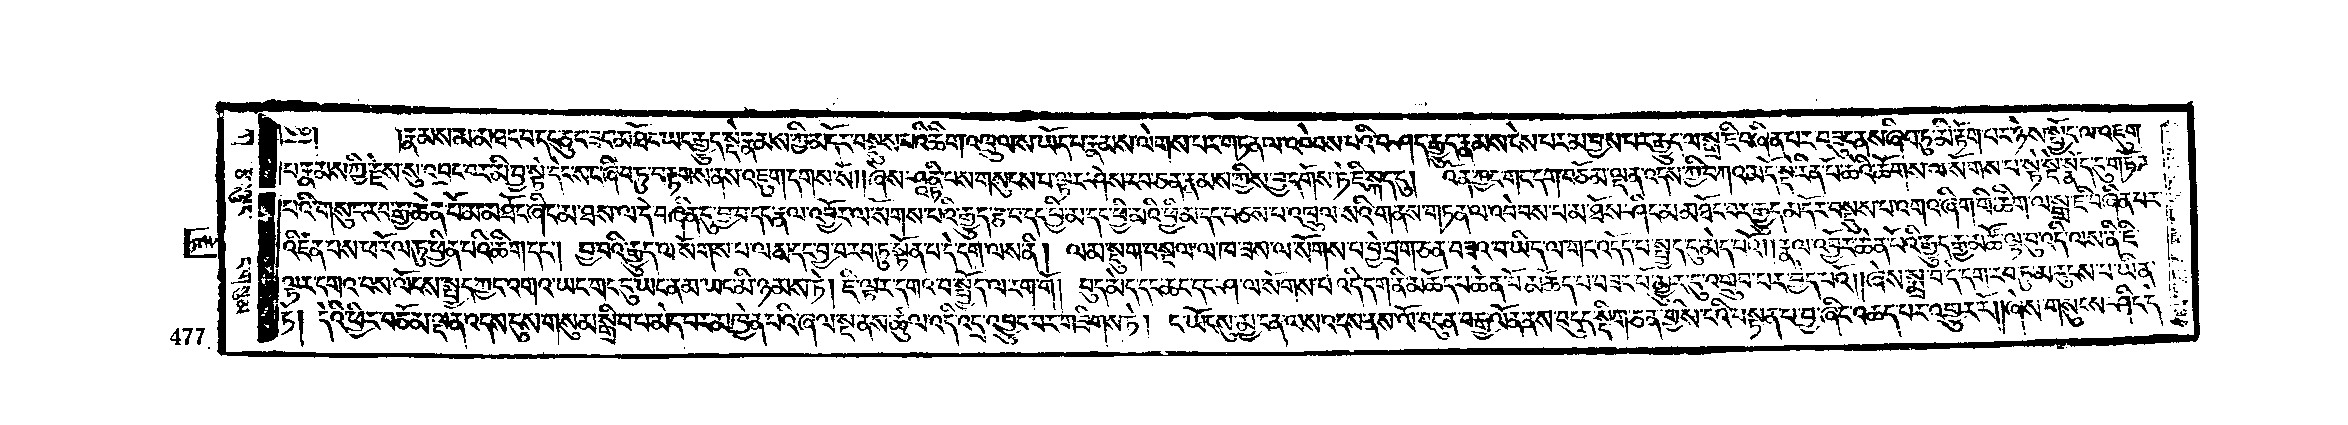༄༅། །རྣམས་མ་མཐང་བ་དང་ཅུང་ཟད་མཐོང་ཡང་རྒྱུད་སྡེ་རྣམས་ཀྱི་མདོར་བསྡུས་པའི་ཚིག་འཁྲུལ་ས་ཡོད་པ་རྣམས་ལེགས་པར་གཏན་ལ་འབེབས་པའི་བཤད་རྒྱུད་རྣམས་ངེས་པར་མ་བྱས་པར་རྒྱུད་ལ་སྒྲ་ཇི་བཞིན་པར་བཟུང་ནས་ཞིབ་ཏུ་མི་རྟོག་པར་ཉེས་སྤྱོད་ལ་འཇུག་
པ་རྣམས་ཀྱི་རྗེས་སུ་འབྲང་བར་མི་བྱ་སྟེ་དེང་སང་ཞིབ་ཏུ་བརྟགས་ནས་འཇུག་དགས་སོ། །ཞེས་ཤཱནྟི་པས་གསུངས་པ་ལྟར་ཤེས་རབ་ཅན་རྣམས་ཀྱིས་བྱ་དགོས་ཏེ་ཇི་སྐད་དུ། འོན་ཀྱང་གང་དག་བཅོམ་ལྡན་འདས་ཀྱི་བཀའ་མདོ་སྡེ་རིན་པོ་ཆེའི་ཆོགས་ལ་སོགས་པ་སྟེ་སྡེ་སྣོད་དུ་གཏོཌ་
པའི་གསུང་རབ་རྒྱ་ཆེན་པོ་མ་མཐོང་ཞིང་མ་ཐས་ལ་དེ་བཞིན་དུ་བྱ་བ་དང་རྣལ་འབྱོར་ལ་སོགས་པའི་རྒྱུད་རྩ་བ་དང་ཕྱི་མ་དང་ཕྱི་མའི་ཕྱི་མ་དང་བཅས་པ་འཁྲུལ་སའི་གནས་གཏན་ལ་འབེབས་པ་མ་ཐོས་ཤིང་མ་མཐོང་བར་རྒྱུད་མདོར་བསྡུས་པ་འགའ་ཞིག་གི་ཚིག་ལ་སྒྲ་ཇི་བཞིན་པར་
འཛིན་པས་ཕ་རོལ་ཏུ་ཕྱིན་པའི་ཚིག་དང་། བྱ་བའི་རྒྱུད་ལ་སོགས་པ་ལམ་དང་བྱ་བ་རབ་ཏུ་སྟོན་པ་དེ་དག་ལས་ནི། ལམ་སྡུག་བསྔལ་ལ་ཁ་ཟས་ལ་སོགས་པ་བྱེ་བྲག་ཅན་བཟའ་བ་ཡིད་ལ་གང་འདོད་པ་སྤྱད་དུ་མེད་པའོ། །རྣལ་འབྱོར་ཆེན་པོའི་རྒྱུད་རྒྱ་མཚོ་ལྟ་བུ་འདི་ལས་ནི་ཇི་
ལྟར་དགའ་བས་ལོངས་སྤྱད་ཀྱང་འགའ་ཡང་གང་དུ་ཡང་ནམ་ཡང་མི་ཉམས་ཏེ། ཇི་ལྟར་དགའ་བ་སྤྱོད་ལ་རག་གོ། བུད་མེད་དང་ཆང་དང་ཤ་ལ་སོགས་པ་འདི་དག་ནི་མཆོད་པ་ཆེན་པོ་མཆོད་པ་བཟང་པོ་མྱུར་དུ་འགྲུབ་པར་བྱེད་པའོ། །ཞེས་སྨྲ་བ་དེ་དག་རབ་ཏུ་མ་རུངས་པ་ཡིན་
ཏེ། དེའི་ཕྱིར་བཅོམ་ལྡན་འདས་དུས་གསུམ་སྒྲིབ་པ་མེད་པར་མཁྱེན་པའི་ཞལ་སྔ་ནས་ཚུལ་འདི་འདྲ་འབྱུང་བར་གཟིགས་ཏེ། ང་ཡོངས་སུ་མྱ་ངན་ལས་འདས་ནས་ལོ་བདུན་བརྒྱ་ལོན་ནས་བདུད་སྡིག་ཅན་གྱིས་ངའི་བསྟན་པ་བྱ་ཞིང་འཆད་པར་འགྱུར་རོ། །ཞེས་གསུངས་ཤིང་དེ་